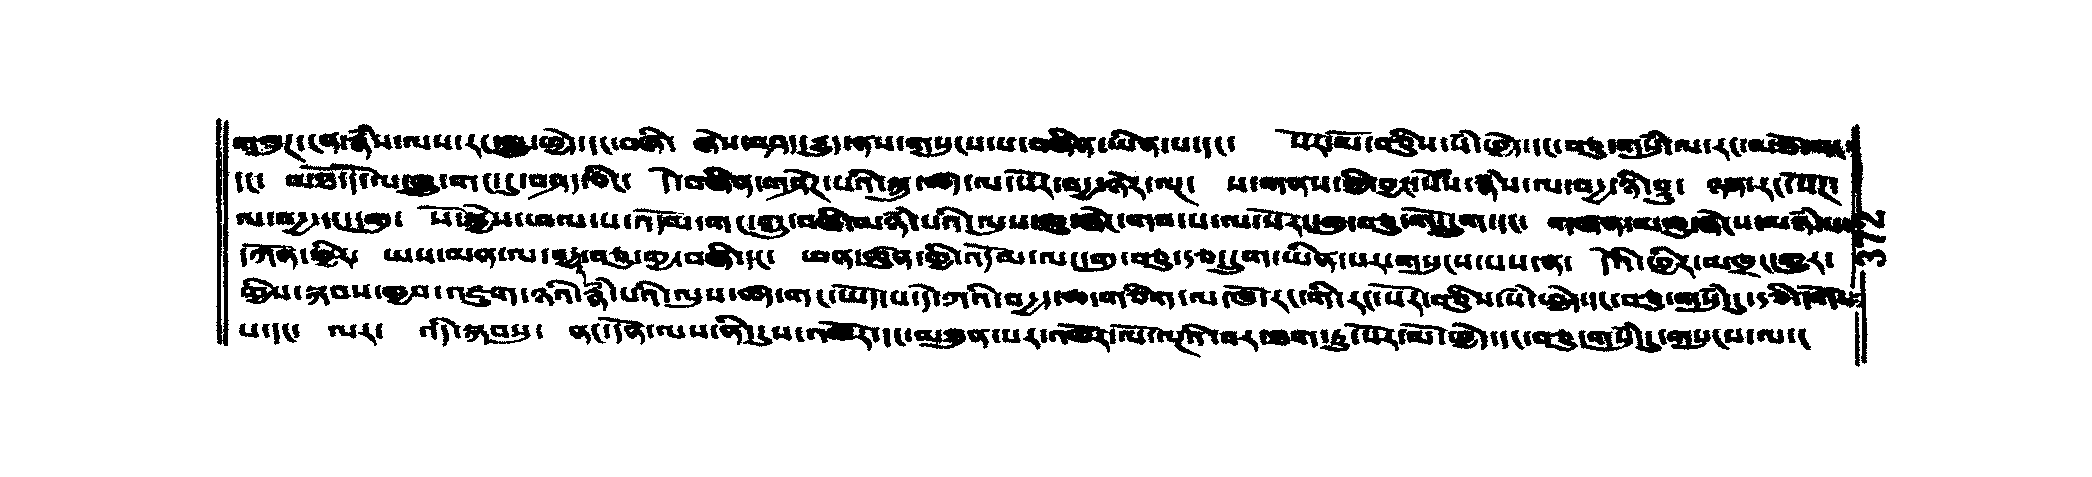གཟུགས་ངན་རྣམས་ལས་རང་ཁྲུ་ཕྱེད་དང་བཞི། ཞེས་བཤད་རྒྱུད་ནས་གསུངས་པ་བཞིན་ཡིན་པ་དང་། སོར་མོ་བཅུ་གཉིས་སམ་ཕྱེད་དང་བཅུ་གསུམ་ལ་རང་མཐོ་གང་
དང་། མཐོ་དོ་ལ་ཁྲུ་གང་དུ་བཤད་ཅིང་། དེ་བཞིན་གཤེགས་པའི་སྐུ་ཚད་ལ་སོར་བརྒྱ་ཉེར་ལྔ། ས་གནས་ཀྱི་བྱང་སེམས་རྣམས་ལ་བརྒྱ་ཉི་ཤུ། ཉན་རང་སོགས་
ལ་བརྒྱ་དང་དགུ སོ་སྐྱེས་ཕལ་པ་འདོམ་གང་གྲུ་བཞི་མཉམ་པའི་ལུས་ཆུ་ཞེང་གབ་པ་ལ་སོར་དགུ་བཅུ་གོ་དྲུག་དང་། གཞན་མཆུ་ཞེང་མཉམ་པ་
དཀོན་ཕྱིར། ཡས་མན་ལ་བརྒྱད་བཅུ་རྒྱ་བཞི་དང་། ཕན་ཚུན་གྱི་འདོམ་ལ་དགུ་བཅུ་རྩ་དྲུག་ཡིན་པར་གསུངས་པས་ན། དེའི་ཕྱིར་མཁྲང་གྱུར་
གྱིས་སྐབས་ཁྱབ་འཇུག་ཉའི་རྣམ་པའི་ལུས་ཚད་གང་ཡོད་པ་དེ་ཀའི་བརྒྱད་ཆ་གཅིག་ལ་ཁོ་རང་གི་རང་སོར་བཅུ་གཉིས་སམ་ཕྱེད་དང་བཅུ་གསུམ་དུ་རྩི་དགོས་
པ་དང་། ལར་འདི་སྐབས་སུ། ནང་དོན་ལས་ནི་དུས་འཁོར་དང་མཐུན་པར་འཁོར་ལོ་ལྔའི་བར་ཐག་ཏུ་སོར་མོ་ཕྱེད་དང་བཅུ་གསུམ་དུ་གསུངས་ལ།